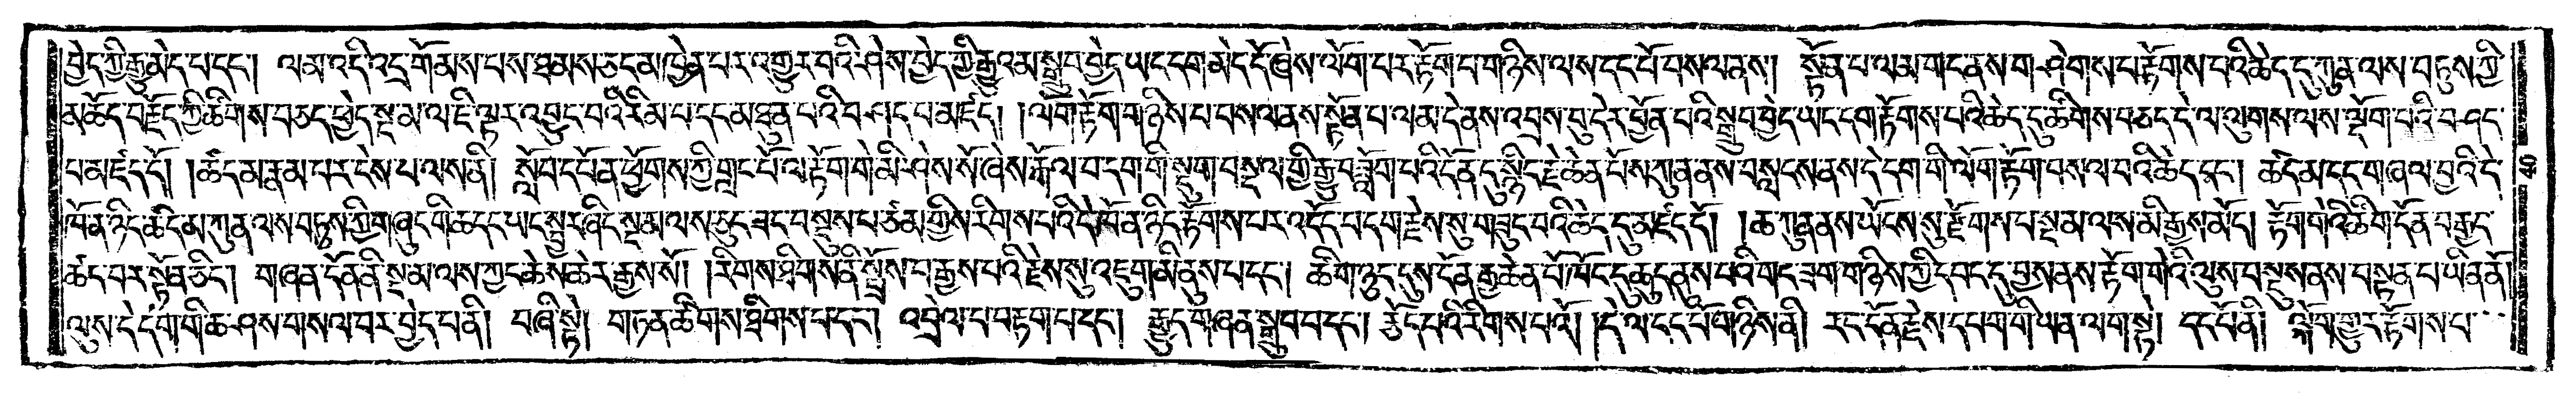བ་བྱེད་ཀྱི་རྒྱུ་མེད་པ་དང་། ལམ་འདི་འདྲ་གོམས་པས་ཐམས་ཅད་མཁྱེན་པར་འགྱུར་བའི་ཤེས་བྱེད་ཀྱི་རྒྱུའམ་སྒྲུབ་བྱེད་ཡང་དག་མེད་དོ་ཞེས་ལོག་པར་རྟོག་པ་གཉིས་ལས་དང་པོ་བསལ་ནས། སྟོན་པ་ལམ་གང་ནས་གཤེགས་པ་རྟོགས་པའི་ཆེད་དུ་ཀུན་ལས་བཏུས་ཀྱི་
མཆོད་བརྗོད་ཀྱི་ཚིགས་བཅད་ཕྱེད་སྔ་མ་ལ་ཇི་ལྟར་འབྱུང་བའི་རིམ་པ་དང་མཐུན་པའི་བཤད་པ་མཛད། །ལོག་རྟོག་གཉིས་པ་བསལ་ནས་སྟོན་པ་ལམ་དེ་ནས་འབྲས་བུ་དེར་བྱོན་པའི་སྒྲུབ་བྱེད་ཡང་དག་རྟོགས་པའི་ཆེད་དུ་ཚིགས་བཅད་དེ་ལ་ལུགས་ལས་ལྡོག་པའི་བཤད་
པ་མཛད་དོ། །ཚད་མ་རྣམ་པར་ངེས་པ་ལས་ནི། སློབ་དཔོན་ཕྱོགས་ཀྱི་གླང་པོ་ལ་རྟོག་གེ་མི་ཤེས་སོ་ཞེས་རྒོལ་བ་དག་གི་སྡུག་བསྔལ་གྱི་རྒྱུ་བཟློག་པའི་དོན་དུ་སྙིང་རྗེ་ཆེན་པོས་ཀུན་ནས་བསླང་ནས་དེ་དག་གི་ལོག་རྟོག་བསལ་བའི་ཆེད་དང་། ཚད་མ་དང་གཞལ་བྱའི་དེ་
ཁོ་ན་ཉིད་ཚད་མ་ཀུན་ལས་བཏུས་ཀྱི་གཞུང་གི་ཆ་དང་ཡང་སྦྱར་ཞིང་སྔ་མ་ལས་ཅུང་ཟད་བསྡུས་པ་ཙམ་གྱིས་རིག་པའི་དེ་ཁོ་ན་ཉིད་རྟོགས་པར་འདོད་པ་དག་རྗེས་སུ་གཟུང་བའི་ཆེད་དུ་མཛད་དོ། །ཆ་ཀུན་ནས་ཡོངས་སུ་རྫོགས་པ་སྔ་མ་ལས་མི་རྒྱས་མོད། རྟོག་གེའི་ཚིག་དོན་བརྒྱད་
ཚང་བར་སྟོན་ཅིང་། གཞན་དོན་ནི་སྔ་མ་ལས་ཀྱང་ཆེས་ཆེར་རྒྱས་སོ། །རིགས་ཐིགས་ནི་སྤྲོས་པ་རྒྱས་པའི་རྗེས་སུ་འཇུག་མི་ནུས་པ་དང་། ཚིག་ཉུང་དུས་དོན་རྒྱ་ཆེན་པོ་ཁོང་དུ་ཆུད་ནུས་པའི་གང་ཟག་གཉིས་ཀྱི་དབང་དུ་བྱས་ནས་རྟོག་གེའི་ལུས་བསྡུས་ནས་བསྟན་པ་ཡིན་ནོ།
ལུས་དེ་དག་གི་ཆ་ཤས་གསལ་བར་བྱེད་པ་ནི། བཞི་སྟེ། གཏན་ཚིགས་ཐིགས་པ་དང་། འབྲེལ་པ་བརྟག་པ་དང་། རྒྱུད་གཞན་སྒྲུབ་པ་དང་། རྩོད་པའི་རིགས་པའོ། །དེ་ལ་དང་པོ་གཉིས་ནི། རང་དོན་རྗེས་དཔག་གི་ཡན་ལག་སྟེ། དང་པོ་ནི། ལྐོག་གྱུར་རྟོགས་པ་